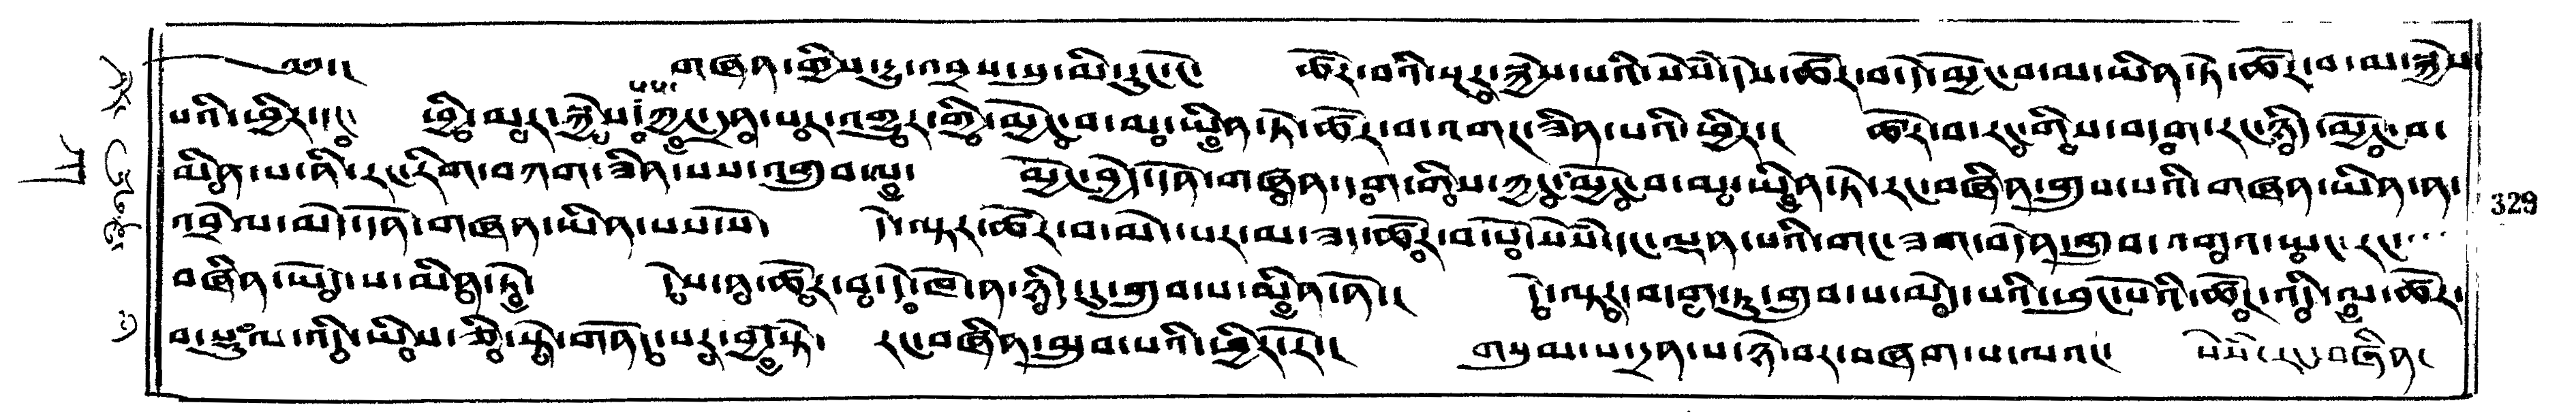གཞན་གྱིས་རྒྱུ་འབྲས་སུ་མི་རུང་ངོ་།། ཚོར་བའི་སྔར་སྐྱེས་པའི་སེམས་དེས་ཚོར་བ་དེ་མྱོང་བ་མ་ཡིན་ཏེ་ཚོར་བ་མ་སྐྱེས་
པའི་ཕྱིར་དང་། ཕྱི་མར་སྐྱེས་པས་ཀྱང་དྲན་པར་འགྱུར་གྱི་མྱོང་བ་མ་ཡིན་ཏེ་ཚོར་བ་འགགས་ཟིན་པའི་ཕྱིར། ཚོར་བ་རང་གིས་བདག་རང་ཉིད་མྱོང་བ་
མིན་པ་ནི་རང་རིག་བཀག་ཟིན་པས་འགྲུབ་ལ་།མྱོང་བྱེད་དོན་གཞན་དག་གིས་ཀྱང་མྱོང་བ་མ་ཡིན་ཏེ་རང་བཞིན་གྲུབ་པའི་གཞན་ཡིན་ན་
འབྲེལ་མེད་དོན་གཞན་ཡིན་པས་སོ།། དེ་ལྟར་ཚོར་བ་མེད་པར་མ་ཟད་ཚོར་བ་པོ་སེམས་དང་ལྡན་པའི་གང་ཟག་བདེན་གྲུབ་འགའ་ཡང་རང་
བཞིན་ཡོད་པ་མིན་ཏེ། དེས་ན་ཚོར་བ་དེ་ཁོ་ན་ཉིད་དུ་གྲུབ་པ་མིན་ནོ།། དེ་ལྟར་བདག་ཏུ་གྲུབ་པ་མེད་པའི་ཕུང་པོའི་ཚོགས་འདི་ལ་ཚོར་
བ་སྡུག་བསྔལ་འདི་ཡིས་ཅི་སྟེ་གནོད་པར་བྱ་སྟེ། རང་བཞིན་མ་གྲུབ་པའི་ཕྱིར་རོ།། གསུམ་པ་དྲན་པ་ཉེ་བར་བཞག་པ་ལའང་། སེམས་རང་བཞིན་